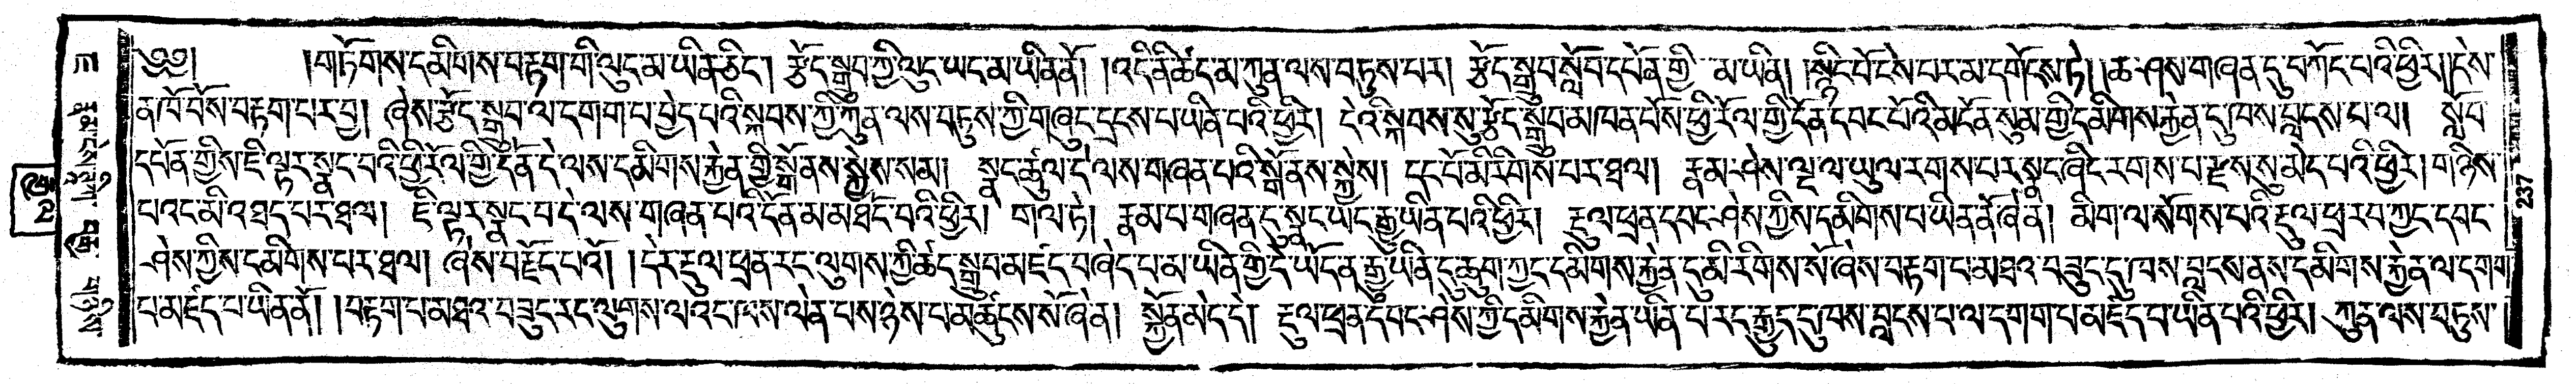༄༅། །གཏོགས་དམིགས་བརྟག་གི་ལུང་མ་ཡིན་ཅིང་། རྩོད་སྒྲུབ་ཀྱི་ལུང་ཡང་མ་ཡིན་ནོ། །འདི་ནི་ཚད་མ་ཀུན་ལས་བཏུས་པར། རྩོད་སྒྲུབ་སློབ་དཔོན་གྱི་མ་ཡིན། །སྙིང་པོ་ངེས་པར་མ་དགོངས་ཏེ། །ཆ་ཤས་གཞན་དུ་བཀོད་པའི་ཕྱིར། །དེས་
ན་ཁོ་བོས་བརྟག་པར་བྱ། ཞེས་རྩོད་སྒྲུབ་ལ་དགག་པ་བྱེད་པའི་སྐབས་ཀྱི་ཀུན་ལས་བཏུས་ཀྱི་གཞུང་དྲངས་པ་ཡིན་པའི་ཕྱིར། དེའི་སྐབས་སུ་རྩོད་སྒྲུབ་མཁན་པོས་ཕྱི་རོལ་གྱི་དོན་དབང་པོའི་མངོན་སུམ་གྱི་དམིགས་རྐྱེན་དུ་ཁས་བླངས་པ་ལ། སློབ་
དཔོན་གྱིས་ཇི་ལྟར་སྣང་བའི་ཕྱི་རོལ་གྱི་དོན་དེ་ལས་དམིགས་རྐྱེན་གྱི་སྒོ་ནས་སྐྱེས་སམ། སྣང་ཚུལ་དེ་ལས་གཞན་པའི་སྒོ་ནས་སྐྱེས། དང་པོ་མི་རིགས་པར་ཐལ། རྣམ་ཤེས་ལྔ་ལ་ཡུལ་རགས་པར་སྣང་ཞིང་རགས་པ་རྫས་སུ་མེད་པའི་ཕྱིར། གཉིས་
པའང་མི་འཐད་པར་ཐལ། ཇི་ལྟར་སྣང་བ་དེ་ལས་གཞན་པའི་དོན་མ་མཐོང་བའི་ཕྱིར། གལ་ཏེ། རྣམ་པ་གཞན་དུ་སྣང་ཡང་རྒྱུ་ཡིན་པའི་ཕྱིར། རྡུལ་ཕྲན་དབང་ཤེས་ཀྱིས་དམིགས་པ་ཡིན་ནོ་ཞེ་ན། མིག་ལ་སོགས་པའི་རྡུལ་ཕྲ་རབ་ཀྱང་དབང་
ཤེས་ཀྱིས་དམིགས་པར་ཐལ། ཞེས་བརྗོད་པའོ། །དེར་རྡུལ་ཕྲན་རང་ལུགས་ཀྱི་ཚད་སྒྲུབ་མཛད་བཞེད་པ་མ་ཡིན་གྱི་དེ་ཡོད་ན་རྒྱུ་ཡིན་དུ་ཆུག་ཀྱང་དམིགས་རྐྱེན་དུ་མི་རིགས་སོ་ཞེས་བརྟག་པ་མཐའ་བཟུང་དུ་ཁས་བླངས་ནས་དམིགས་རྐྱེན་ལ་དགག་
པ་མཛད་པ་ཡིན་ནོ། །བརྟག་པ་མཐའ་བཟུང་རང་ལུགས་ལའང་ཁས་ལེན་པས་ཉེས་པ་མཚུངས་སོ་ཞེ་ན། སྐྱོན་མེད་དེ། རྡུལ་ཕྲན་དབང་ཤེས་ཀྱི་དམིགས་རྐྱེན་ཡིན་པ་རང་རྒྱུད་དུ་ཁས་བླངས་པ་ལ་དགག་པ་མཛད་པ་ཡིན་པའི་ཕྱིར། ཀུན་ལས་བཏུས་